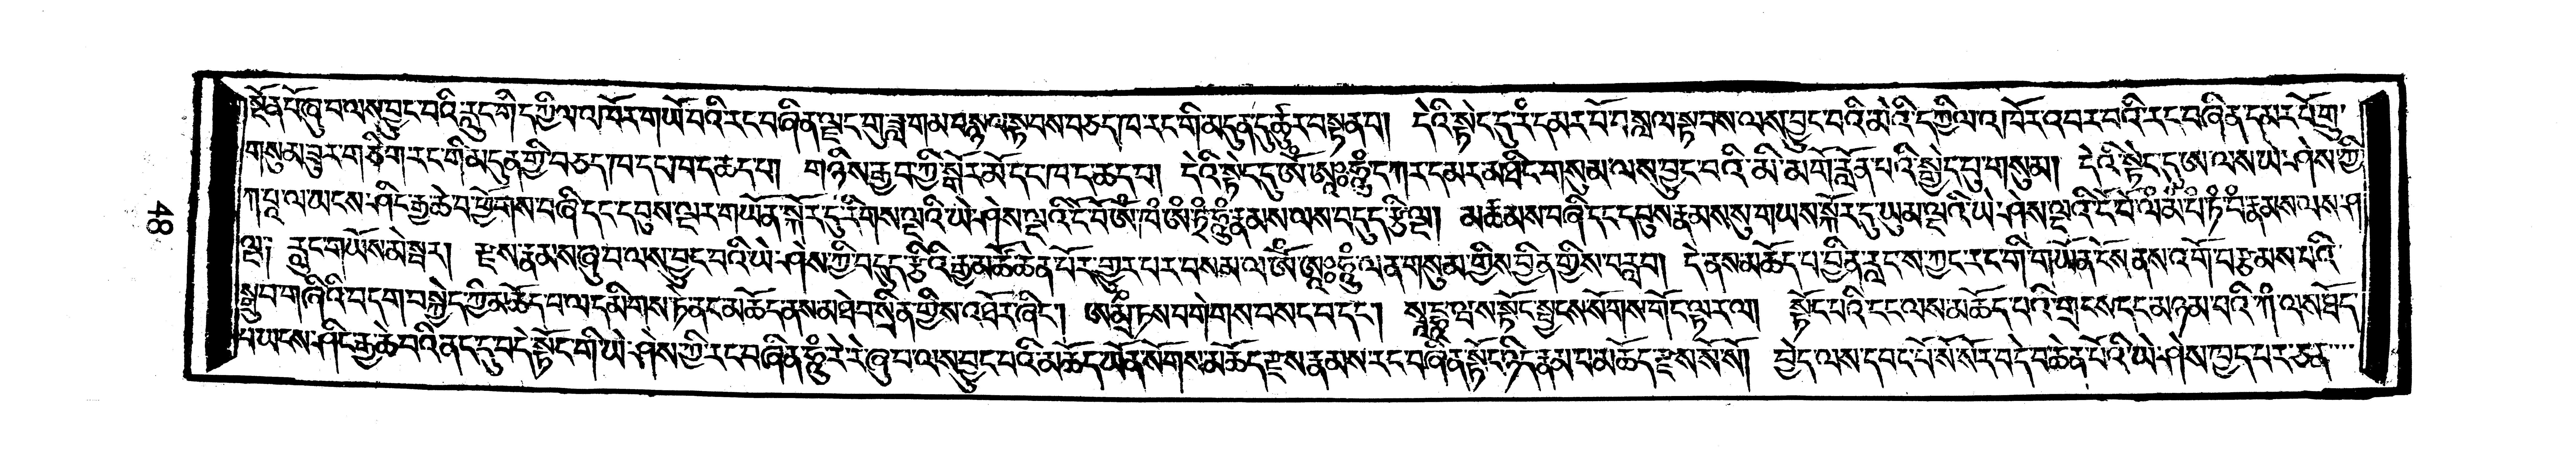སྔོན་པོ་ཞུ་བ་ལས་བྱུང་བའི་རླུང་གི་དཀྱིལ་འཁོར་གཡོ་བའི་རང་བཞིན་ལྗང་གུ་ཟླ་གམ་བསྙལ་སྟངས་བཅད་ཁ་རང་གི་མདུན་དུ་ཆུར་བསྟན་པ། དེའི་སྟེང་དུ་རཾ་དམར་པོ་བསྙལ་སྟབས་ལས་བྱུང་བའི་མེའི་དཀྱིལ་འཁོར་འབར་བའི་རང་བཞིན་དམར་པོ་གྲུ་
གསུམ་ཟུར་གཅིག་རང་གི་མདུན་གྱི་བཅད་ཁ་དང་ཆད་པ། གཉིས་རྒྱབ་ཀྱི་སྒོར་མོ་དང་ཁ་ད་ཆད་པ། དེའི་སྟེང་དུ་ཨ་ཨཱཿཧཱུཾ་དཀར་དམར་མཐིང་གསུམ་ལས་བྱུང་བའི་མི་མགོ་རློན་པའི་སྒྱེད་བུ་གསུམ། དེའི་སྟེང་དུ་ཨ་ལས་ཡེ་ཤེས་ཀྱི་
ཀ་པཱ་ལ་ཡངས་ཤད་རྒྱ་ཆེ་བ་ཕྱོགས་བཞི་དང་དབུས་ལྔར་གཡོན་སྐོར་དུ་རིགས་ལྔའི་ཡེ་ཤེས་ལྔའི་ངོ་བོ་ཨོཾ་ཁཾ་ཨཾ་ཏྲཾ་ཧཱུཾ་རྣམས་ལས་བདུད་རྩི་ལྔ། མཚམས་བཞི་དང་དབུས་རྣམས་སུ་གཡས་སྐོར་དུ་ཡུམ་ལྔའི་ཡེ་ཤེས་ལྔའི་ངོ་བོ་ལཾ་མཱཾ་པཾ་ཏཱཾ་བཾ་རྣམས་ལས་ཤ་
ལྔ། རླང་གཡོས་མེ་སྤར། རྫས་རྣམས་ཞུ་བ་ལས་བྱུང་བའི་ཡེ་ཤེས་ཀྱི་བདུད་རྩིའི་རྒྱ་མཚོ་ཆེན་པོར་གྱུར་པར་བསམས་ལ་ཨོཾ་ཨཱཿཧཱུཾ་ལན་གསུམ་གྱིས་བྱིན་གྱིས་བརླབ། དེ་ནས་མཆོད་པ་བྱིན་རླབས་ཀྱང་རང་གི་གཡོན་ངོས་ནས་འགོ་བརྩམས་པའི་
སྒྲུབ་གཞིའི་བདག་བསྐྱེད་ཀྱི་མཆོད་པ་ལ་དམིགས་ཏེ་ནང་མཆོད་ནས་མཐེབ་སྲིན་གྱིས་འཐོང་ཞིང་། ཨ་མྲྀ་ཏས་བགེགས་བསང་བ་དང་། སྭབྷཱ་ཝས་སྟོང་སྦྱངས་སོགས་གོང་ལྟར་ལ། སྟོང་པའི་ངང་ལས་མཆོད་པའི་གྲངས་དང་མཉམ་པའི་ཀཾ་ལས་ཐོད་
པ་ཡངས་ཤིང་རྒྱ་ཆེ་བའི་ནང་དུ་བདེ་སྟོང་གི་ཡེ་ཤེས་ཀྱི་རང་བཞིན་ཧཱུཾ་རེ་རེ་ཞུ་བ་ལས་བྱུང་བའི་མཆོད་ཡོན་སོགས་མཆོད་རྫས་རྣམས་རང་བཞིན་སྟོང་ཉིད་རྣམ་པ་མཆོད་རྫས་སོ་སོ། བྱེད་ལས་དབང་པོ་སོ་སོར་བདེ་བ་ཆེན་པོའི་ཡེ་ཤེས་ཁྱད་པར་ཅན་